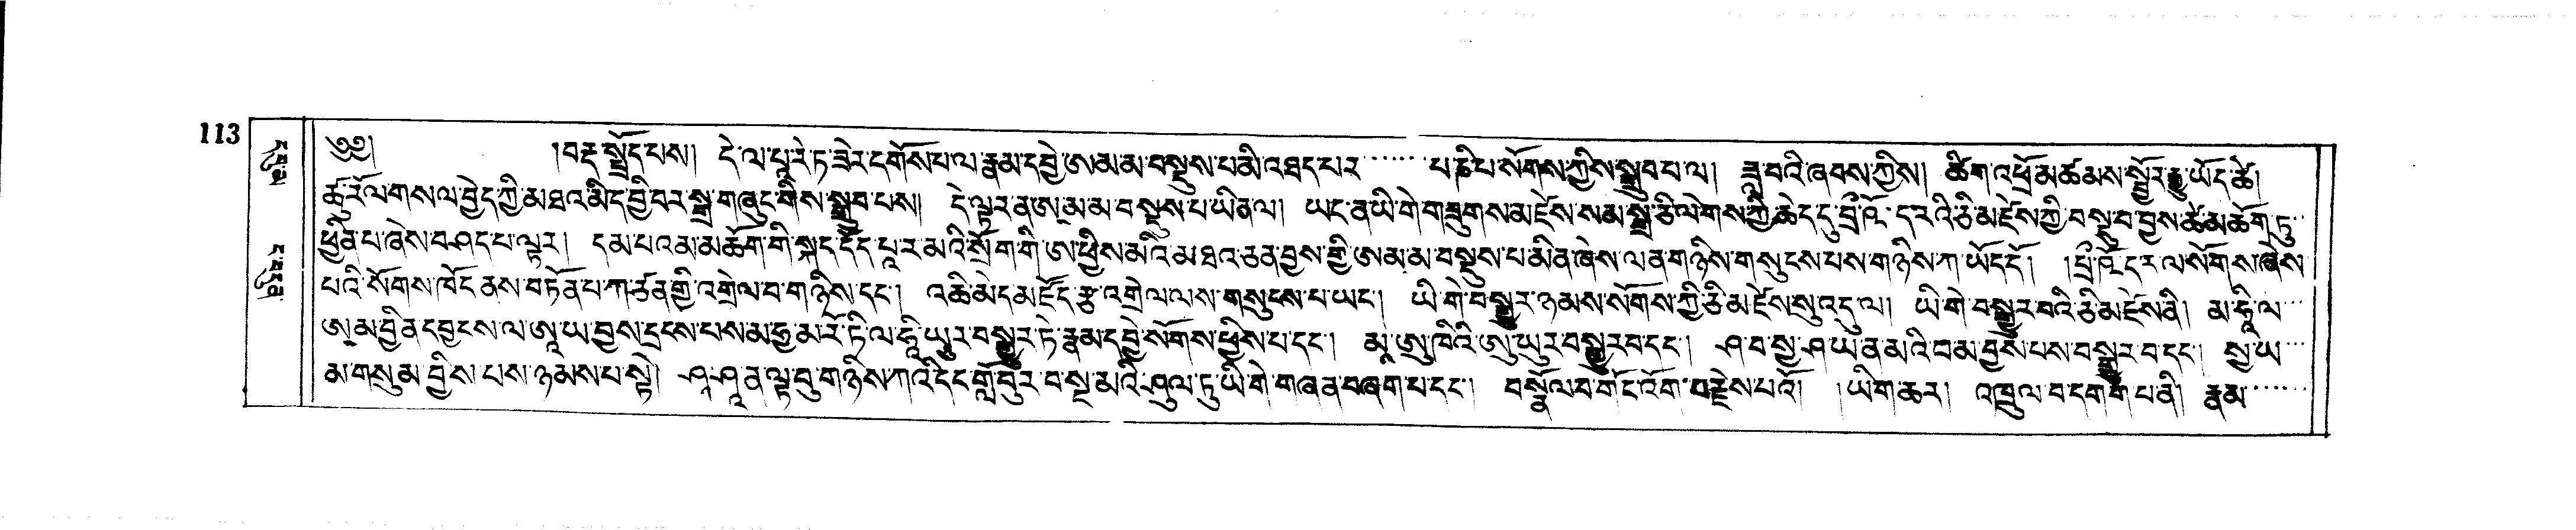༄༅། །བརྡ་སྤྲོད་པས། དེ་ལ་པཱ་རེ་ཏ་ཟེར་དགོས་པ་ལ་རྣམ་དབྱེ་ཨམ་མ་བསྡུས་པ་མི་འཐད་པར་པ་ཎི་པ་སོགས་ཀྱིས་སྒྲུབ་པ་ལ། ཟླ་བའི་ཞབས་ཀྱིས། ཚིག་འཕྲོ་མཚམས་སྦྱོར་རྒྱུ་ཡོད་ཚེ།
ཚུ་རོལ་གསལ་བྱེད་ཀྱི་མཐའ་མིད་བྱི་བར་སྒྲ་གཞུང་གིས་སྒྲུབ་པས། དེ་ལྟར་ན་ཨ་མ་མ་བསྡུས་པ་ཡིན་ལ། ཡང་ན་ཡི་གེ་གཟུགས་མཛེས་སམ་སྒྲ་ཅི་ལེགས་ཀྱི་ཆེད་དུ་བྲྀ་ཥོ་ད་རའི་ཅི་མཛེས་ཀྱི་བསྡུ་བ་བྱས་ཚེ་མཆོག་ཏུ་
ཕྱིན་པ་ཞེས་བཤད་པ་ལྟར། དམ་པའམ་མཆོག་གི་སྐད་དོད་པཱ་ར་མའི་སྲོག་གི་ཨ་ཕྱིས་མའི་མཐའ་ཅན་བྱས་གྱི་ཨམ་མ་བསྡུས་པ་མིན་ཞེས་ལན་གཉིས་གསུངས་པས་གཉིས་ཀ་ཡོད་དོ། །པྲྀ་ཥོ་དར་ལ་སོགས་ཞེས་
པའི་སོགས་ཁོང་ནས་བཏོན་པ་ཀ་ཙན་གྱི་འགྲེལ་བ་གཉིས་དང་། འཆི་མེད་མཛོད་རྩ་འགྲེལ་ལས་གསུངས་པ་ཡང་། ཡི་གེ་བསྒྱུར་ཉམས་སོགས་ཀྱི་ཅི་མཛེས་སུ་འདུ་ལ། ཡི་གེ་བསྒྱུར་བའི་ཅི་མཛེས་ནི། མ་ཧཱི་ལ་
ཨམ་བྱིན་དབྱངས་ལ་ཨཱ་ཡ་བྱས་དྲངས་པས་མ་ཧྱ་མ་རོ་ཏི་ལ་ཧཱི་ཡུར་བསྒྱུར་ཏེ་རྣམ་དབྱེ་སོགས་ཕྱིས་པ་དང་། མཱ་ཨུ་ཁིའི་ཨུ་ཡུར་བསྒྱུར་བ་དང་། ཤ་བ་སྱ་ཤ་ཡ་ན་མའི་བ་མ་བྱས་པས་བསྒྱུར་བ་དང་། སྱ་ཡ་
མ་གསུམ་བྱིས་པས་ཉམས་པ་སྟེ། ཤཱ་ཤཱ་ན་ལྟ་བུ་གཉིས་ཀའི་དང་གློ་བུར་བ་སྔ་མའི་ཤུལ་ཏུ་ཡི་གེ་གཞན་བཞག་པ་དང་། བསྣོལ་བ་གོང་འོག་བརྗེས་པའོ། །ཡིག་ཆར། འཁྲུལ་བ་དགག་པ་ནི། རྣམ་